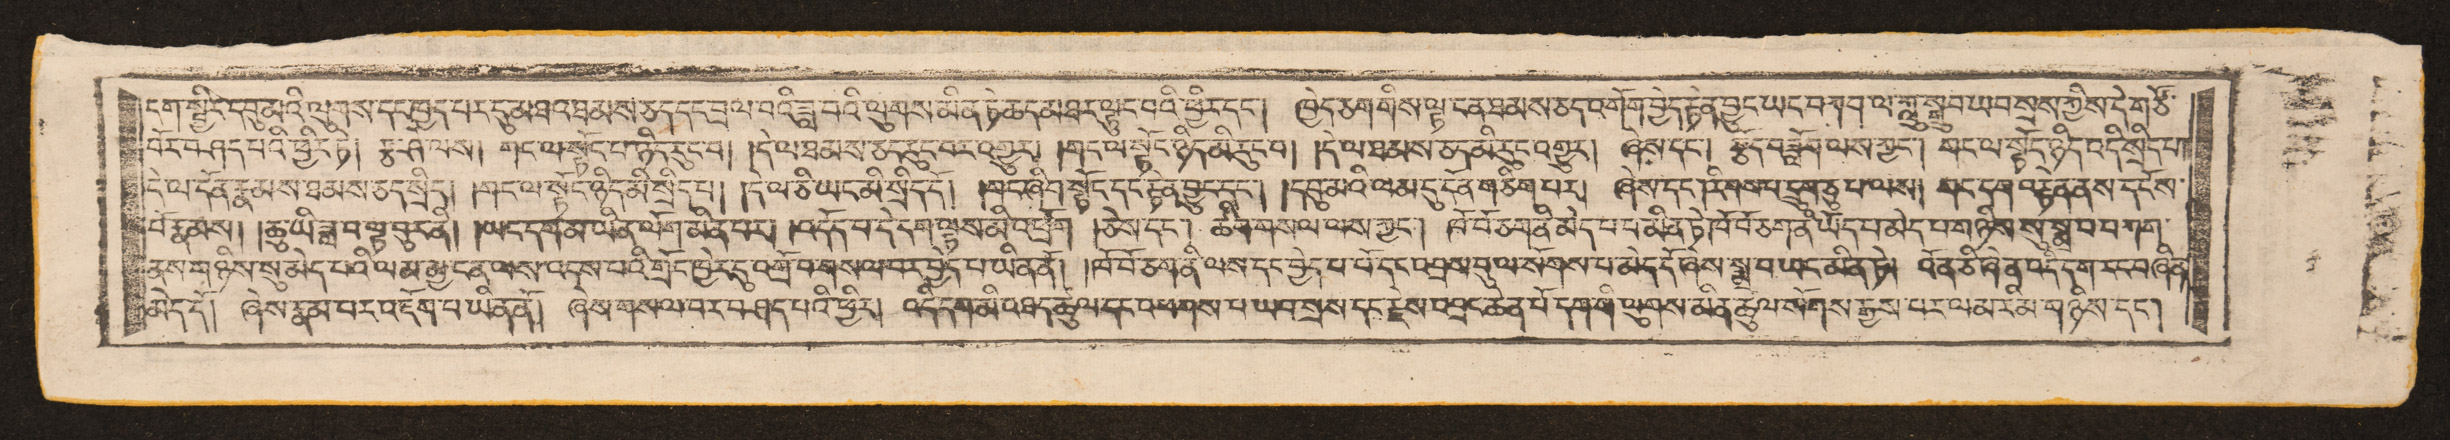དག་སྦྱིང་དབུ་མའི་ལུགས་དང་ཁྱད་པར་དུ་མཐའ་ཐམས་ཅད་དང་བྲལ་བའི་ཟླ་བའི་ལུགས་མིན་ཏེ་ཆད་མཐར་ལྟུང་བའི་ཕྱིར་དང་། ཁྱེད་ཅག་གིས་ལྟ་ངན་ཐམས་ཅད་འགོག་བྱེད་རྟེན་བྱུང་ཡང་བཀག་ལ་ཀླུ་སྒྲུབ་ཡབ་སྲས་ཀྱིས་དེ་གཙོ་
བོར་བཤད་པའི་ཕྱིར་ཏེ། རྩ་ཤེ་ལས། གང་ལ་སྟོང་པ་ཉིད་རུང་བ། །དེ་ལ་ཐམས་ཅད་རུང་བར་འགྱུར། །གང་ལ་སྟོང་ཉིད་མི་རུང་བ། །དེ་ལ་ཐམས་ཅད་མི་རུང་འགྱུར། ཞེས་དང་། རྩོད་བཟློག་ལས་ཀྱང་། གང་ལ་སྟོང་ཉིད་འདི་སྲིད་པ།
དེ་ལ་དོན་རྣམས་ཐམས་ཅད་སྲིད། །གང་ལ་སྟོང་ཉིད་མི་སྲིད་པ། །དེ་ལ་ཅི་ཡང་མི་སྲིད་དོ། །གང་ཞིག་སྟོང་དང་རྟེན་བྱུང་དང་། །དབུ་མའི་ལམ་དུ་དོན་གཅིག་པར། ཞེས་དང་། རིགས་པ་དྲུག་ཅུ་པ་ལས། གང་དག་བརྟེན་ནས་དངོས་
པོ་རྣམས། །ཆུ་ཡི་ཟླ་བ་ལྟ་བུར་ནི། །ཡང་དག་མ་ཡིན་ལོག་མིན་པར། །འདོད་པ་དེ་དག་ལྟས་མི་འཕྲོག །ཅེས་དང་། ཚིག་གསལ་ལས་ཀྱང་། ཁོ་བོ་ཅག་ནི་མེད་པ་བ་མིན་ཏེ་ཁོ་བོ་ཅག་ནི་ཡོད་པ་མེད་པ་གཉིས་སུ་སྨྲ་བ་བཀག་
ནས་གཉིས་སུ་མེད་བའི་ལམ་མྱ་ངན་ལས་འདས་པའི་གྲོང་ཁྱེར་དུ་འགྲོ་བ་གསལ་བར་བྱེད་པ་ཡིན་ནོ། །ཁོ་བོ་ཅག་ནི་ལས་དང་བྱེད་པ་པོ་དང་འབྲས་བུ་ལ་སོགས་པ་མེད་དོ་ཞེས་སྨྲ་བ་ཡང་མིན་ཏེ། འོན་ཅི་ཞེན་འདི་དག་རང་བཞིན་
མེད་དོ། ཞེས་རྣམ་པར་འཇོག་པ་ཡིན་ནོ། ཞེས་གསལ་བར་བཤད་པའི་ཕྱིར། འདི་དག་མི་འཐད་ཚུལ་དང་འཕགས་པ་ཡབ་སྲས་དང་རྗེས་འབྲང་ཆེན་པོ་དག་གི་ལུགས་མིན་ཚུལ་སོགས་རྒྱས་པར་ལམ་རིམ་གཉིས་དང་།